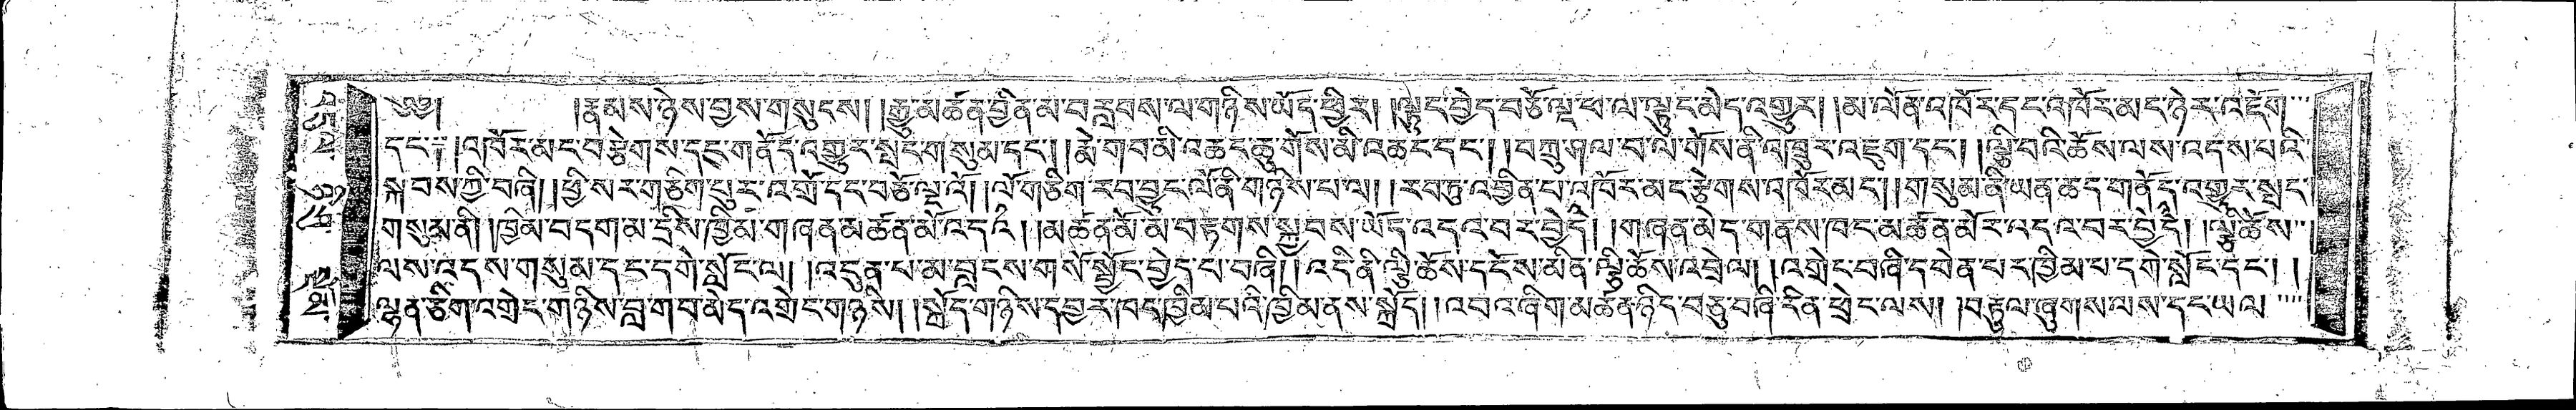༄༅། །རྣམས་ཉེས་བྱས་གསུངས། །རྒྱུ་མཚན་བྱིན་མ་བརླབས་ལ་གཉིས་ཡོད་ཕྱིར། །ལྟུང་བྱེད་བཅོ་ལྔ་ཕ་ལ་ལྟུང་མེད་འགྱུར། །མ་ལོན་འཁོར་དང་འཁོར་མང་ཉེར་འཇོག་
དང༑ །འཁོར་མང་བརྩེགས་དང་གནོད་འགྱུར་སྤང་གསུམ་དང་། །རྨེ་གབ་མི་འཆང་ཆུ་གོས་མི་འཆང་དང་། །བཀྲུ་ཤལ་བ་ལ་གོས་ནི་འཁྲུར་འཇུག་དང་། །ལྕི་བའི་ཆོས་ལས་འདས་པའི་
སྐབས་ཀྱི་བཞི། །ཕྱི་སར་གཅིག་པུར་འགྲོ་དང་བཅོ་ལྔ་འོ། །ལོ་གཅིག་རབ་བྱུང་ལོ་ནི་གཉིས་པ་ལ། །རབ་ཏུ་འབྱིན་པ་འཁོར་མང་རྩེགས་འཁོར་མང་། །གསུམ་ནི་ཡན་ཆད་གནོད་འགྱུར་སྤང་
གསུམ་ནི། །ཁྱིམ་བདག་མ་དྲིས་ཁྱིམ་གཞན་མཚན་མོ་འདའ ༡། །མཚན་མོ་མ་བརྟགས་སྐྱབས་ཡོད་འདའ་བར་བྱེད ༢། །གཞན་མེད་གནས་ཁང་མཚན་མོར་འདའ་བར་བྱེད ༣། །ལྕི་ཚེས་
ལས་འདས་གསུམ་དང་དགེ་སློང་ལ། །འདུན་པ་མ་བླངས་གསོ་སྦྱོང་བྱེད་པ་བཞི། །འདི་ནི་ལྕི་ཆོས་དངོས་མིན་ལྕི་ཆོས་འབྲེལ། །འགྲེང་བཞི་དབེན་པར་ཁྱིམ་པ་དགེ་སློང་དང་། །
ལྷན་ཅིག་འགྲེང་གཉིས་བླ་གབ་མེད་འགྲེང་གཉིས། །སྤོང་གཉིས་དབྱར་ཁང་ཁྱིམ་པའི་ཁྱིམ་ནས་སྐྲོད། །འབའ་ཞིག་མཚན་ཉིད་བཅུ་བཞི་རིན་ཕྲེང་ལས། །བརྟུལ་ཞུགས་ལས་དང་ཡལ་